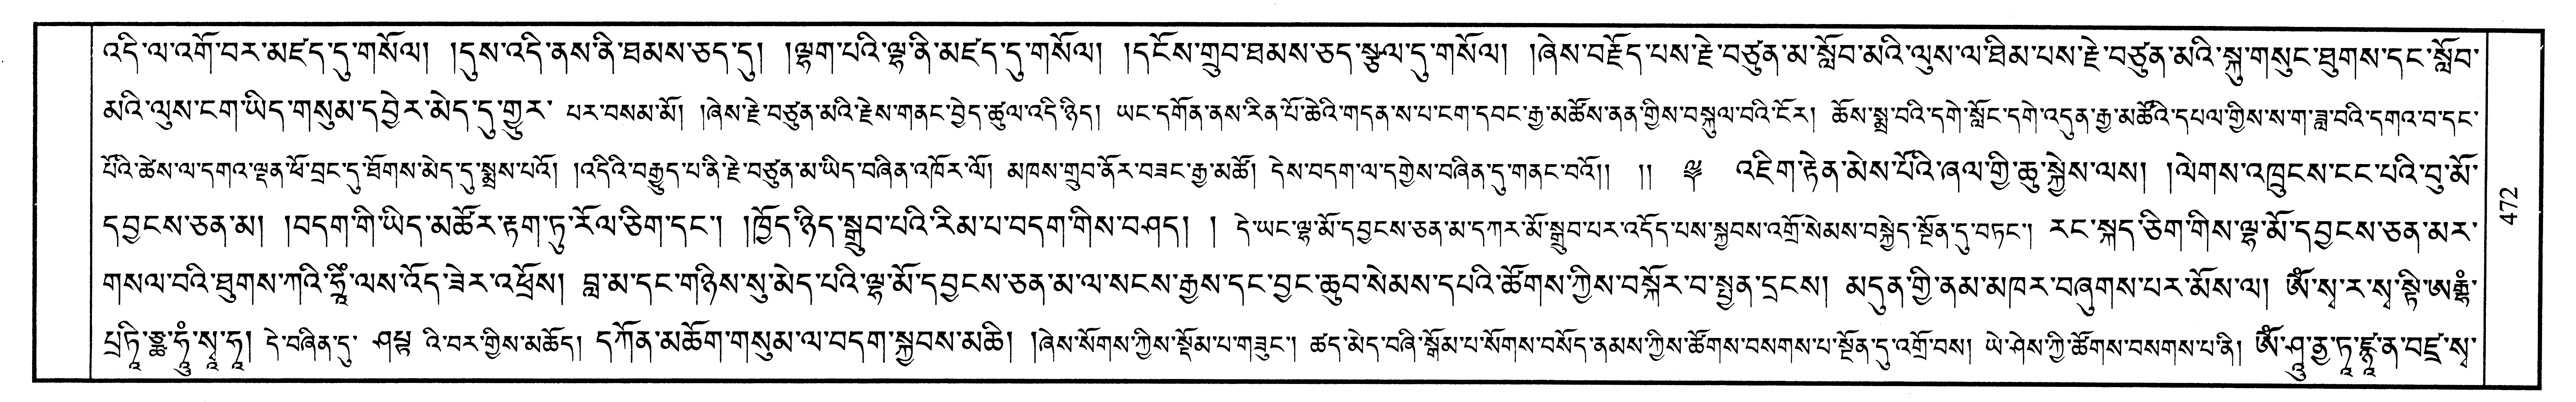འདི་ལ་འགོ་བར་མཛད་དུ་གསོལ། །དུས་འདི་ནས་ནི་ཐམས་ཅད་དུ། །ལྷག་པའི་ལྷ་ནི་མཛད་དུ་གསོལ། །དངོས་གྲུབ་ཐམས་ཅད་སྩལ་དུ་གསོལ། །ཞེས་བརྗོད་པས་རྗེ་བཙུན་མ་སློབ་མའི་ལུས་ལ་ཐིམ་པས་རྗེ་བཙུན་མའི་སྐུ་གསུང་ཐུགས་དང་སློབ་
མའི་ལུས་ངག་ཡིད་གསུམ་དབྱེར་མེད་དུ་གྱུར་པར་བསམ་མོ། །ཞེས་རྗེ་བཙུན་མའི་རྗེས་གནང་བྱེད་ཚུལ་འདི་ཉིད། ཡང་དགོན་ནས་རིན་པོ་ཆེའི་གདན་ས་པ་ངག་དབང་རྒྱ་མཚོས་ནན་གྱིས་བསྐུལ་བའི་ངོར། ཆོས་སྨྲ་བའི་དགེ་སློང་དགེ་འདུན་རྒྱ་མཚོའི་དཔལ་གྱིས་ས་ག་ཟླ་བའི་དགའ་བ་དང་
པོའི་ཚེས་ལ་དགའ་ལྡན་ཕོ་བྲང་དུ་ཐོགས་མེད་དུ་སྨྲས་པའོ། །འདིའི་བརྒྱུད་པ་ནི་རྗེ་བཙུན་མ་ཡིད་བཞིན་འཁོར་ལོ། མཁས་གྲུབ་ནོར་བཟང་རྒྱ་མཚོ། དེས་བདག་ལ་དགྱེས་བཞིན་དུ་གནང་བའོ།། །། ༈ འཇིག་རྟེན་མེས་པོའི་ཞལ་གྱི་ཆུ་སྐྱེས་ལས། །ལེགས་འཁྲུངས་ངང་པའི་བུ་མོ་
དབྱངས་ཅན་མ། །བདག་གི་ཡིད་མཚོར་རྟག་ཏུ་རོལ་ཅིག་དང་། །ཁྱོད་ཉིད་སྒྲུབ་པའི་རིམ་པ་བདག་གིས་བཤད། །དེ་ཡང་ལྷ་མོ་དབྱངས་ཅན་མ་དཀར་མོ་སྒྲུབ་པར་འདོད་པས་སྐྱབས་འགྲོ་སེམས་བསྐྱེད་སྔོན་དུ་བཏང་། རང་སྐད་ཅིག་གིས་ལྷ་མོ་དབྱངས་ཅན་མར་
གསལ་བའི་ཐུགས་ཀའི་ཧྲཱིཾ་ལས་འོད་ཟེར་འཕྲོས། བླ་མ་དང་གཉིས་སུ་མེད་པའི་ལྷ་མོ་དབྱངས་ཅན་མ་ལ་སངས་རྒྱས་དང་བྱང་ཆུབ་སེམས་དཔའི་ཚོགས་ཀྱིས་བསྐོར་བ་སྤྱན་དྲངས། མདུན་གྱི་ནམ་མཁར་བཞུགས་པར་མོས་ལ། ཨོཾ་སྭ་ར་སྭ་སྟི་ཨརྒྷཾ་
པྲཏཱི་ཙྪ་ཧཱུཾ་སྭཱ་ཧཱ། དེ་བཞིན་དུ་ཤཔྟ་འི་བར་གྱིས་མཆོད། དཀོན་མཆོག་གསུམ་ལ་བདག་སྐྱབས་མཆི། །ཞེས་སོགས་ཀྱིས་སྡོམ་པ་གཟུང་། ཚད་མེད་བཞི་སྒོམ་པ་སོགས་བསོད་ནམས་ཀྱིས་ཚོགས་བསགས་པ་སྔོན་དུ་འགྲོ་བས། ཡེ་ཤེས་ཀྱི་ཚོགས་བསགས་པ་ནི། ཨོཾ་ཤཱུ་ནྱ་ཏཱ་ཛྙཱ་ན་བཛྲ་སྭ་